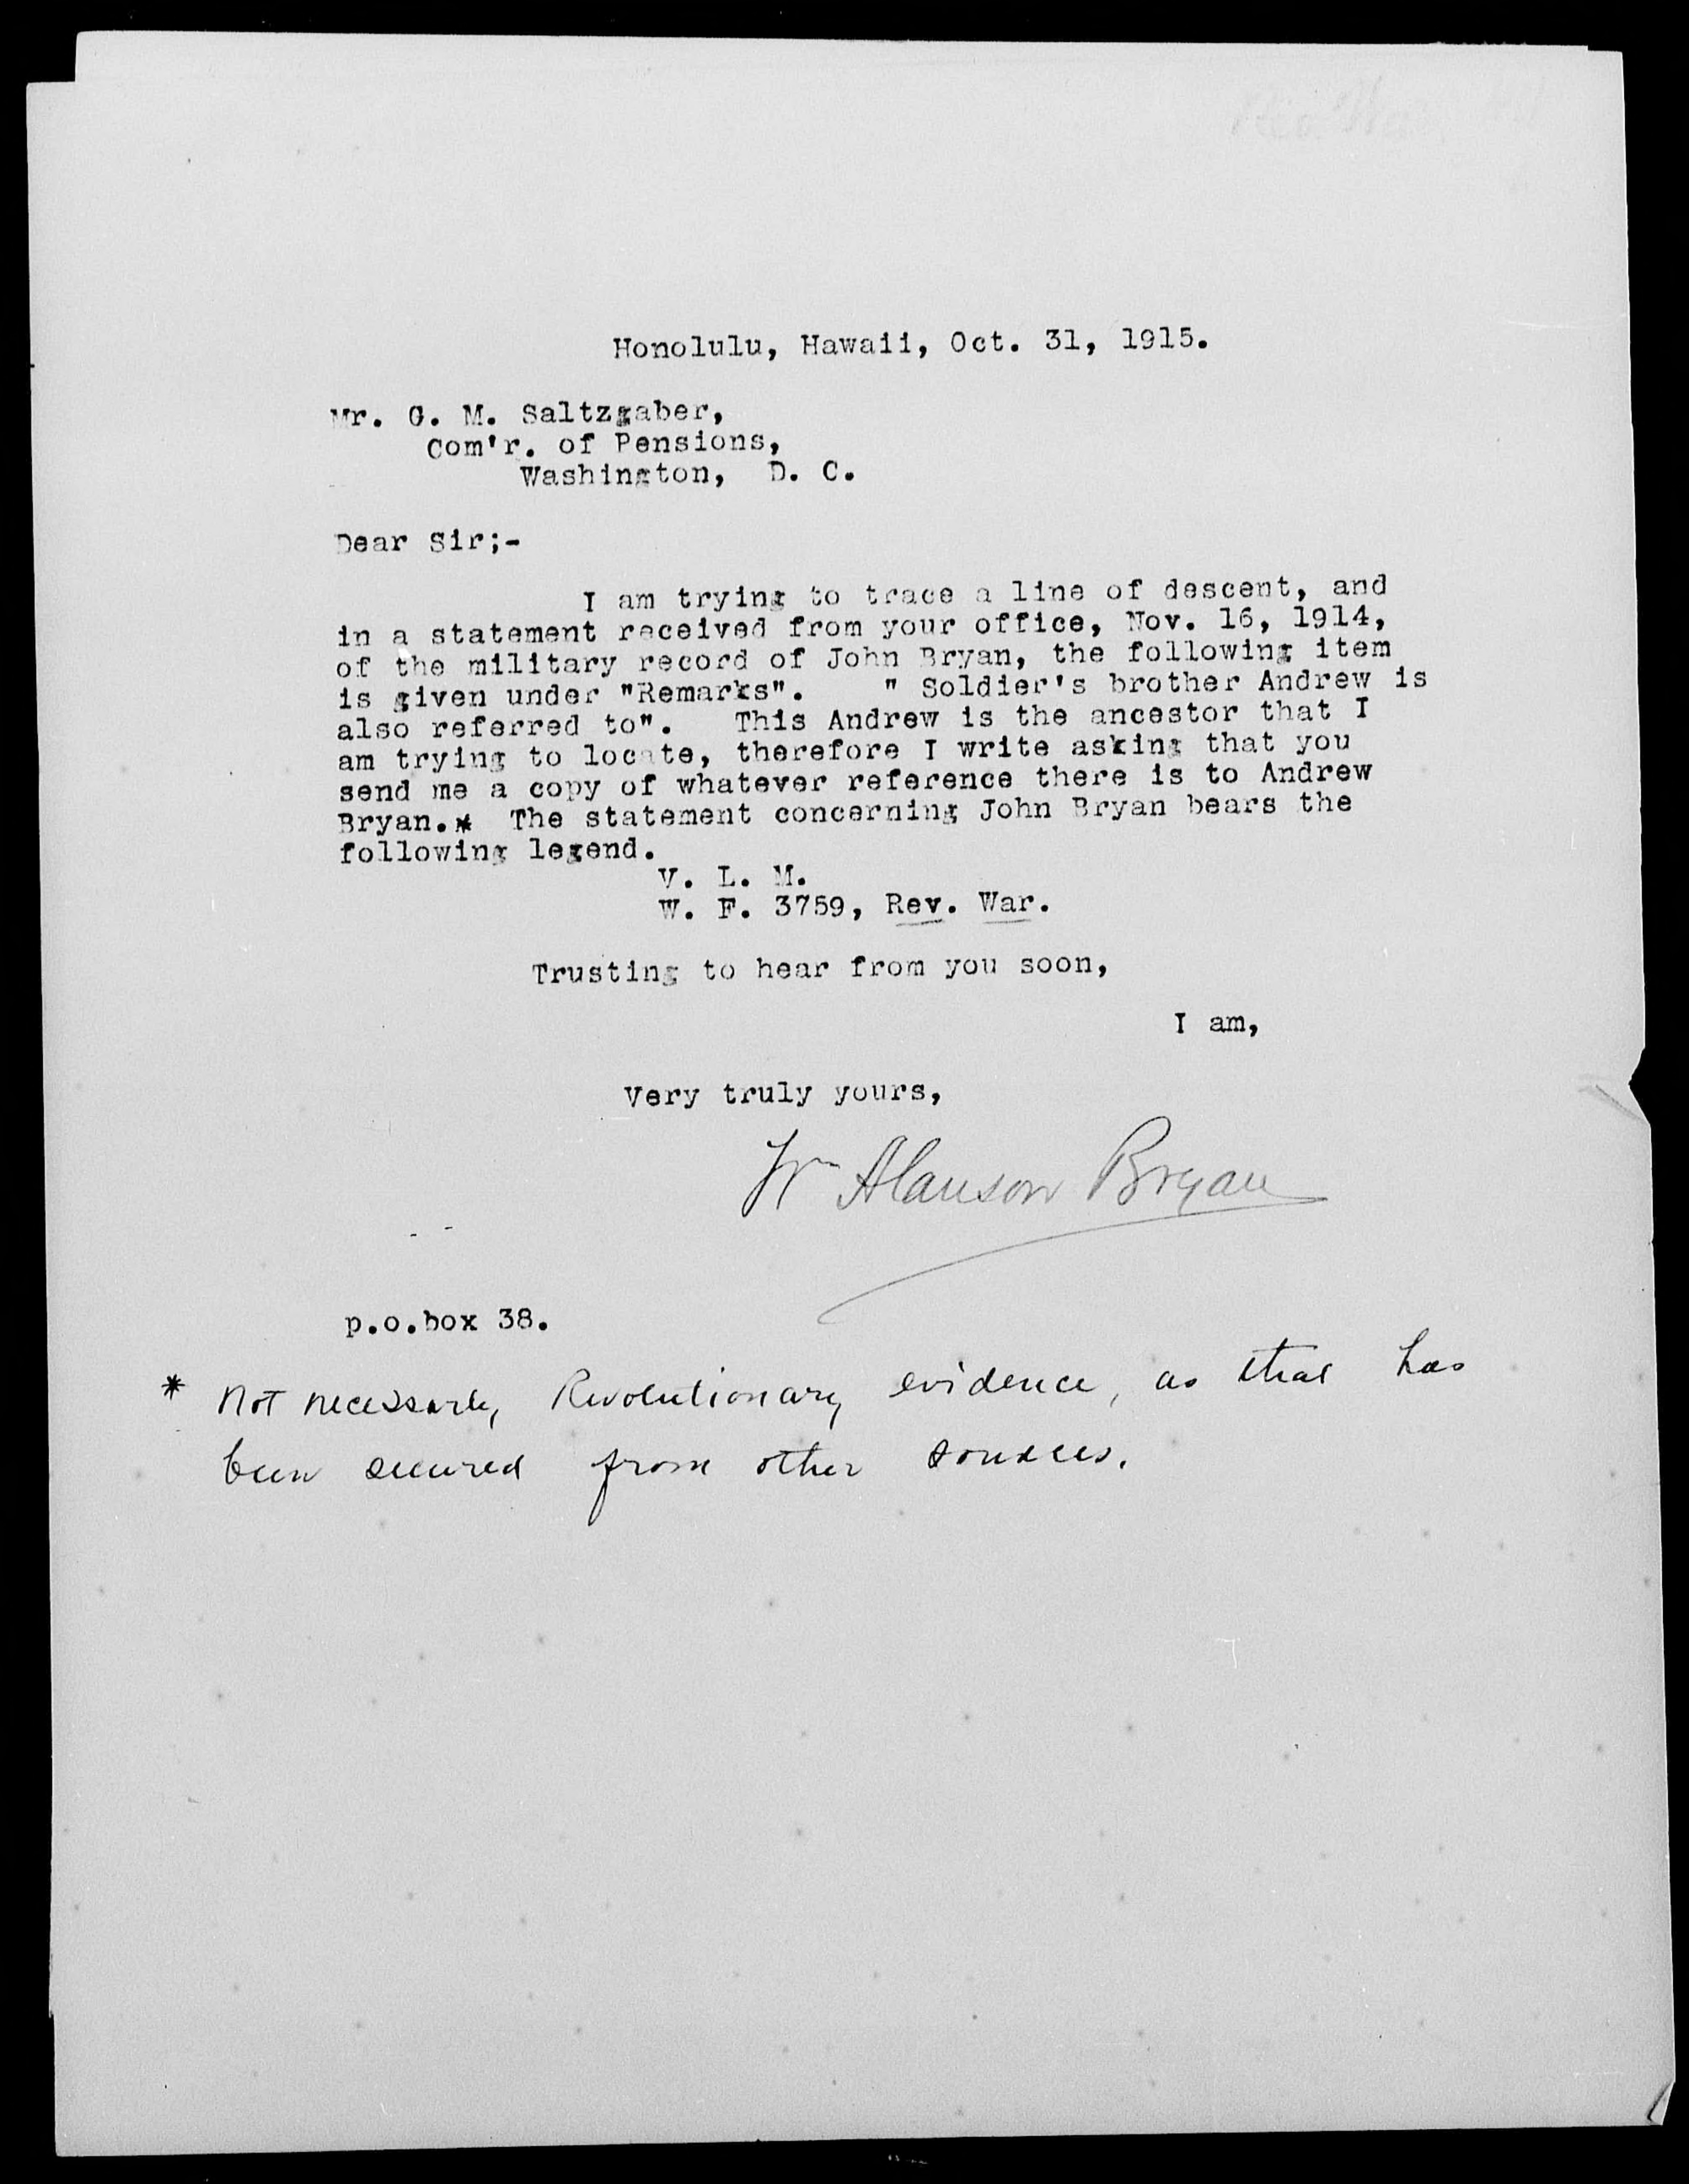Honolulu, Hawaii, Oct. 31, 1915.

Mr. G. M. Saltzgaber,
Com’r. of Pensions,
Washington, D.C.

Dear Sir;-

I am trying to trace a line of descent, and in a statement received from your office, Nov. 16, 1914, of the military record of John Bryan, the following item is given under "Remarks": - "Soldier’s brother Andrew is also referred to." This Andrew is the ancestor that I am trying to locate, therefore I write asking that you send me a copy of whatever reference there is to Andrew Bryan.* The statement concerning John Bryan bears the following legend.

V. L. W.
W. F. 3759, [underlined] Rev. [underlined] War.

Trusting to hear from you soon,

I am,

Very truly yours,

[signature] Wm Alanson Bryan

p.o. box 38.

*not necessary, Revolutionary evidence, as that has been secured from other sources.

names: Andrew, G M Saltzgaber, John Bryan, Andrew, Andrew Bryan, Wm Alanson Bryan, John Bryan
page: 30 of 31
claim: widow's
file: W. 3759, John Bryan, Va.